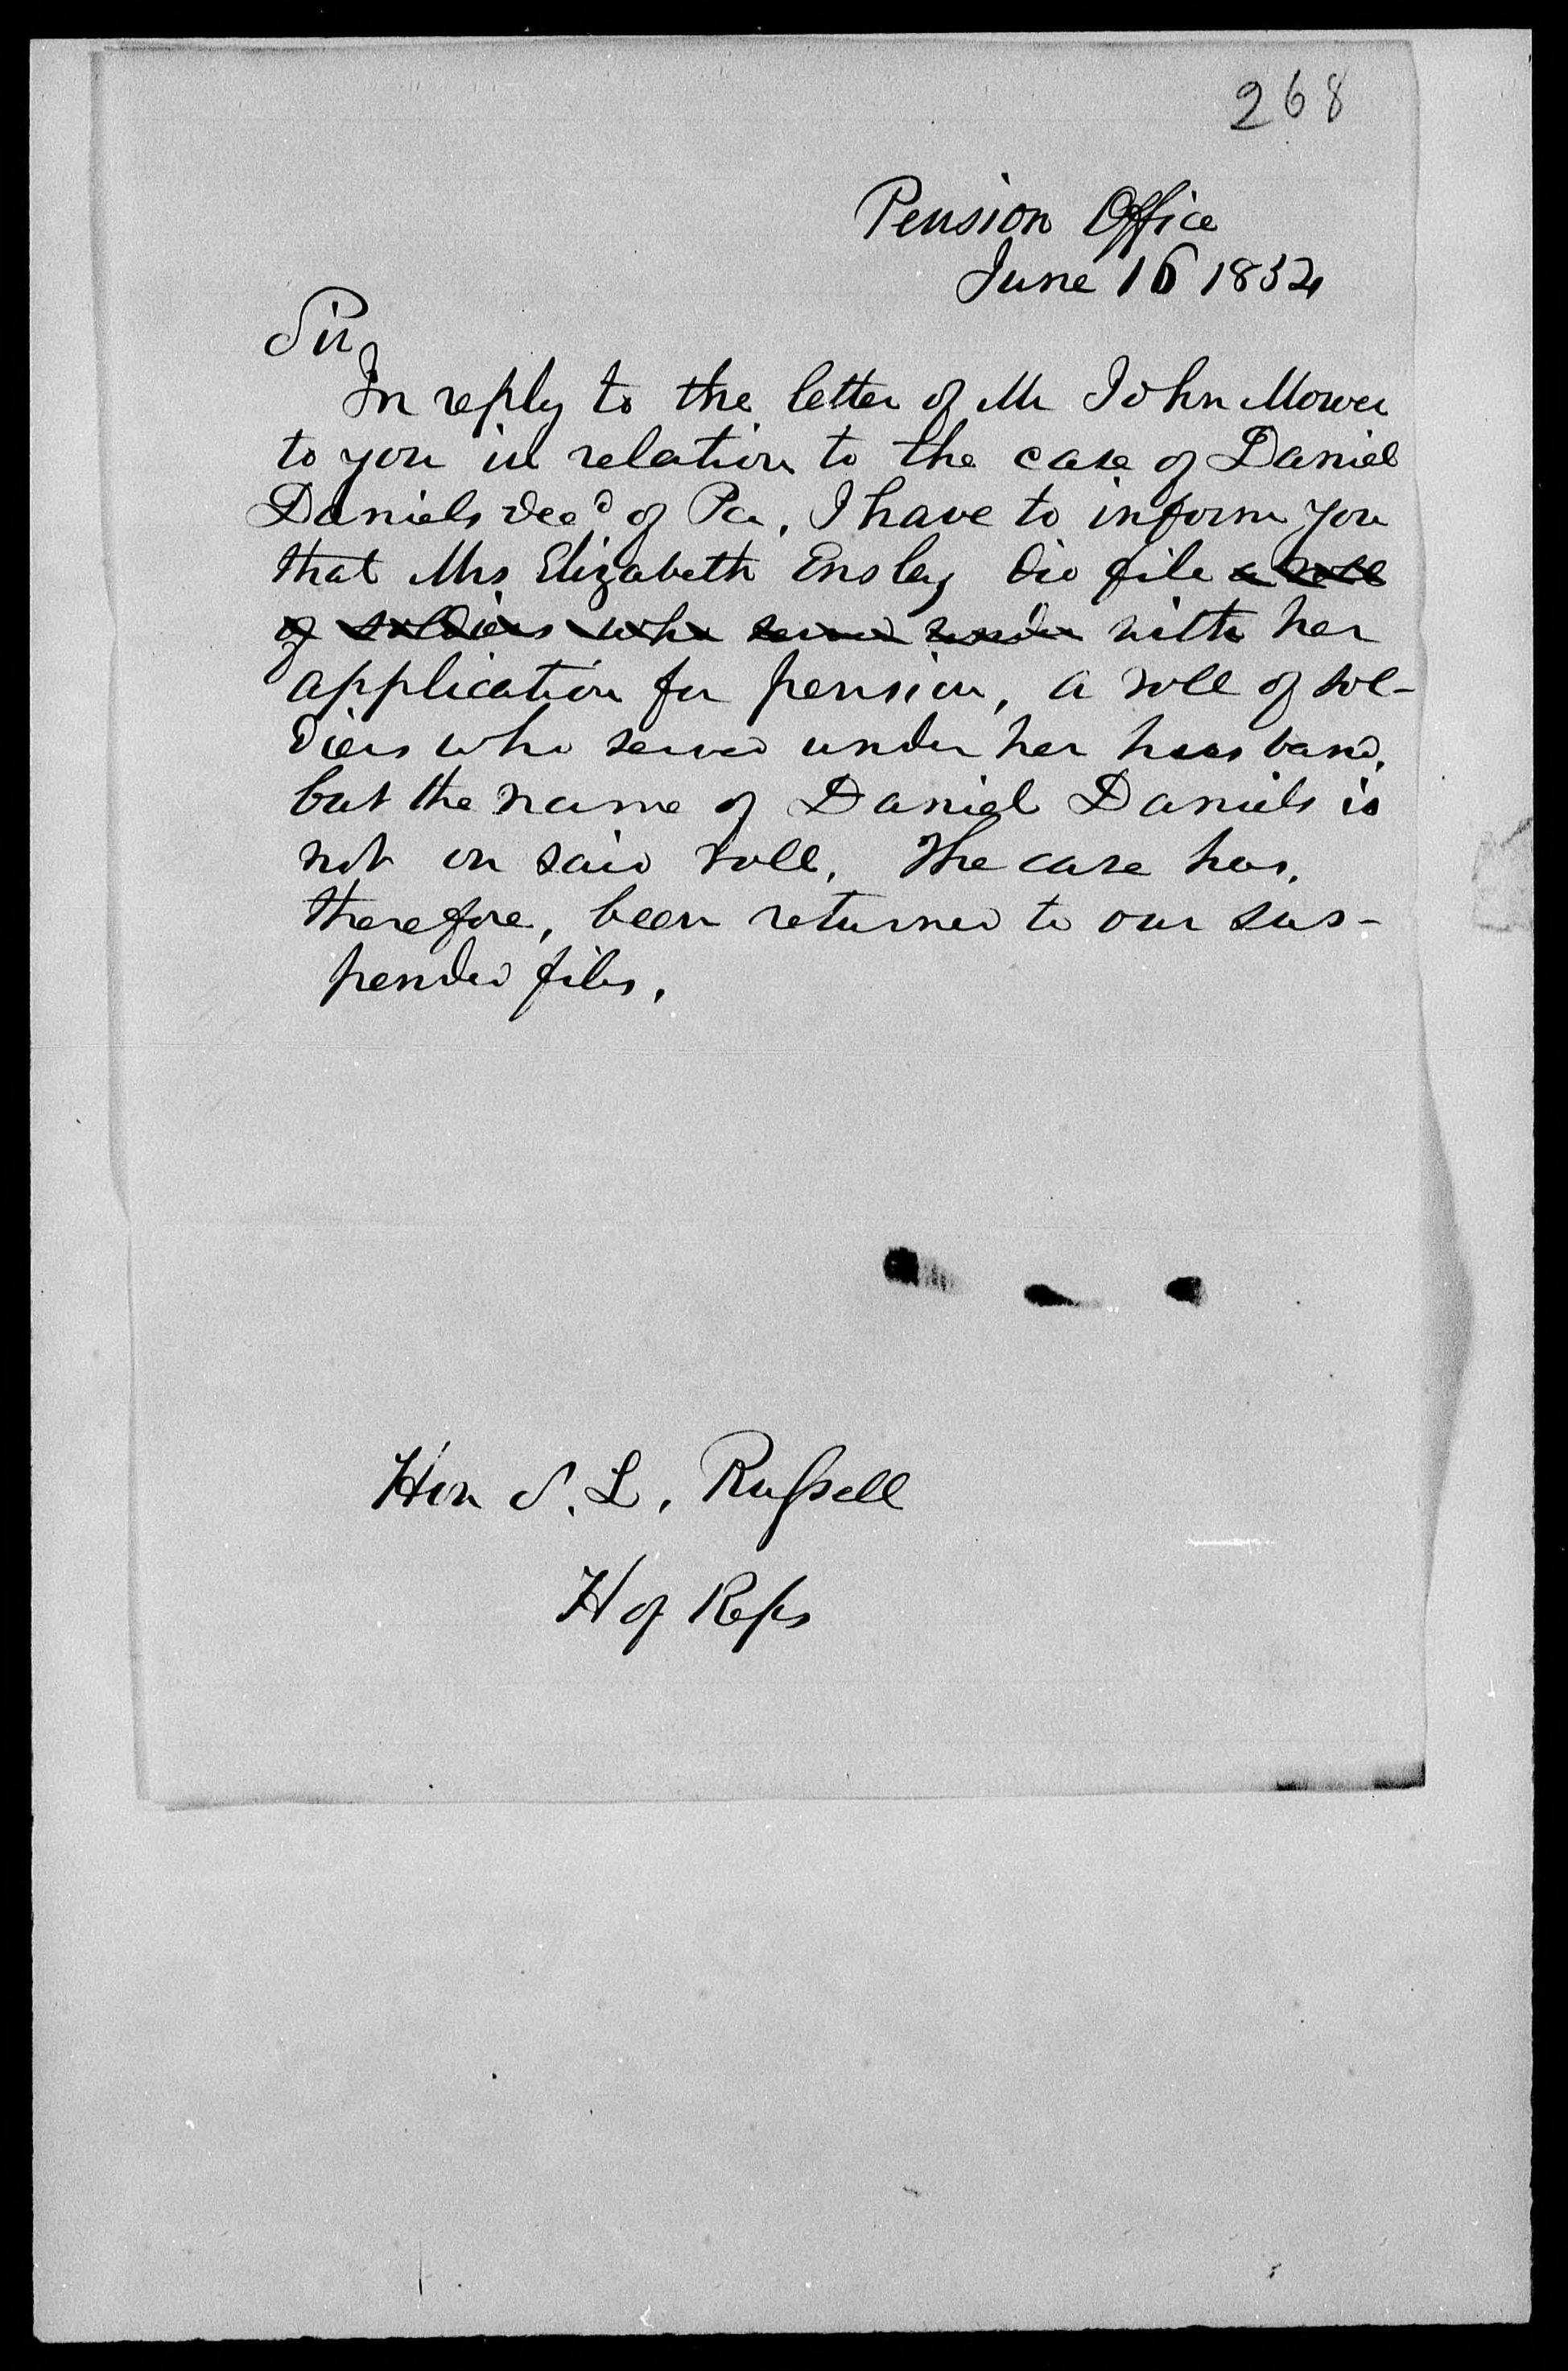268
Pension Office
June 16 1854
Sir
In reply to the letter of Mr John Mower
to you in relation to the case of Daniel
Daniels decd of Pa. I have to inform you
that Mrs Elizabeth Ensley did file [crossed out, a note
of soldiers who served under] with her
application for pension, a roll of Soldiers
who served under her husband.
but the name of Daniel Daniels is
not in said roll. The case has
therefore, been returned to our suspended
files.
Hon S. L. Russell
H of Reps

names: Daniel Daniels, Elizabeth Ensley, Daniel Daniels, John Mower, S L Russell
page: 25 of 35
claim: rejected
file: R. 2,650, Daniel Daniels, Penn.